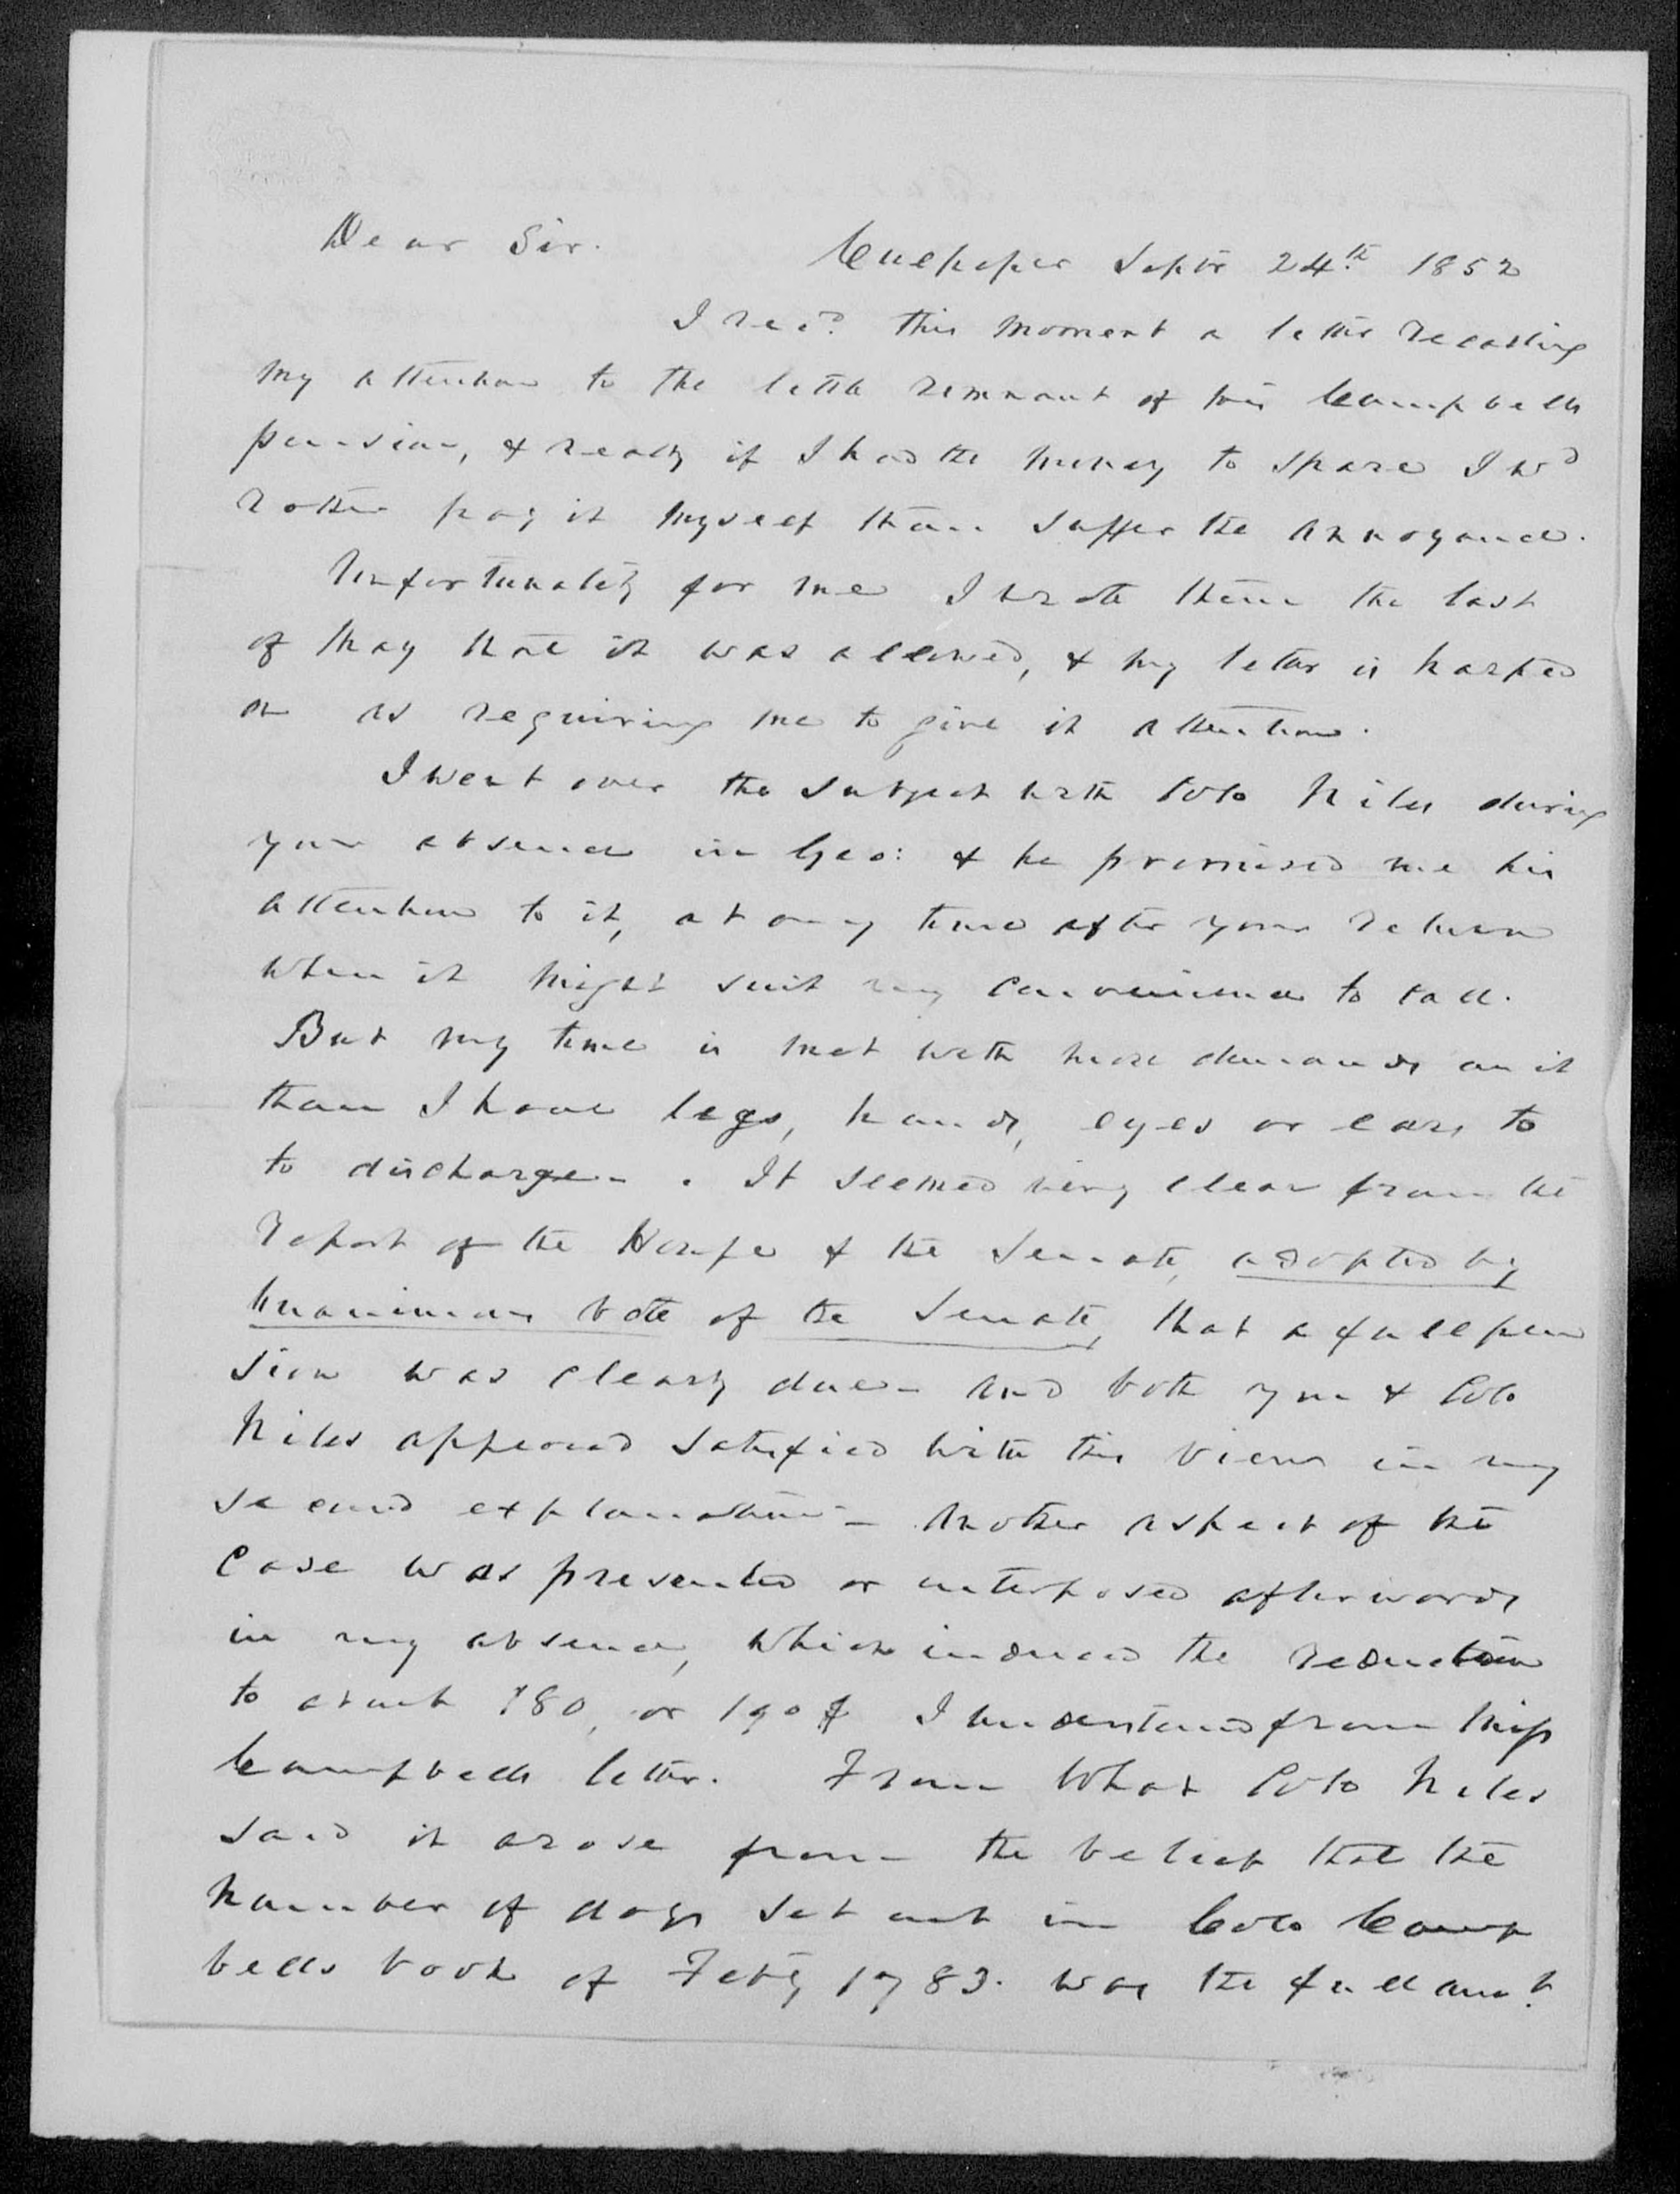Culpeper Septr 24th. 1852

Dear Sir.

I rec.d This Moment a letter recalling
my attention to the letter remnant of his Campbells
pension, + really if I had the money to spare I hrd 
rather [illegible] it request than suffer the arrogance.
Unfortunately for me I had them the last
of May that it was allowed, + my letter is [illegible]
or as requiring me to give it attention.
I went over the suspect with Colo Niles during
your absence in Geo: + he promised me his
attention to it, at any time after your return
when it might suit my convenience to call.
But my time is not with here demands an it
than I have legs, hands, eyes or ears to
to discharge. It seemed very clear from the
report of the House + the Senate, adopted by
unanimous vote of the Senate, that a full pension
was clearly due -and both you + Colo
Niles appeared satisfied with this view in my
second explanation - Another suspect of the
case was prevented or interposed afterwards
in my absence, which induced the resolution
to [illegible] 180, or 1907 I [illegible] sentenced from this
Campbells letter. From what Colo Niles
said it arose from the belief that the
number of [illegible] set out in Colo Campbells
book of Feby 1783. was the full amo.t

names: Campbells, Campbell, Campbell, Niles, Niles, Niles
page: 188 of 267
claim: widow's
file: W. 4,149, William Campbell, Va.